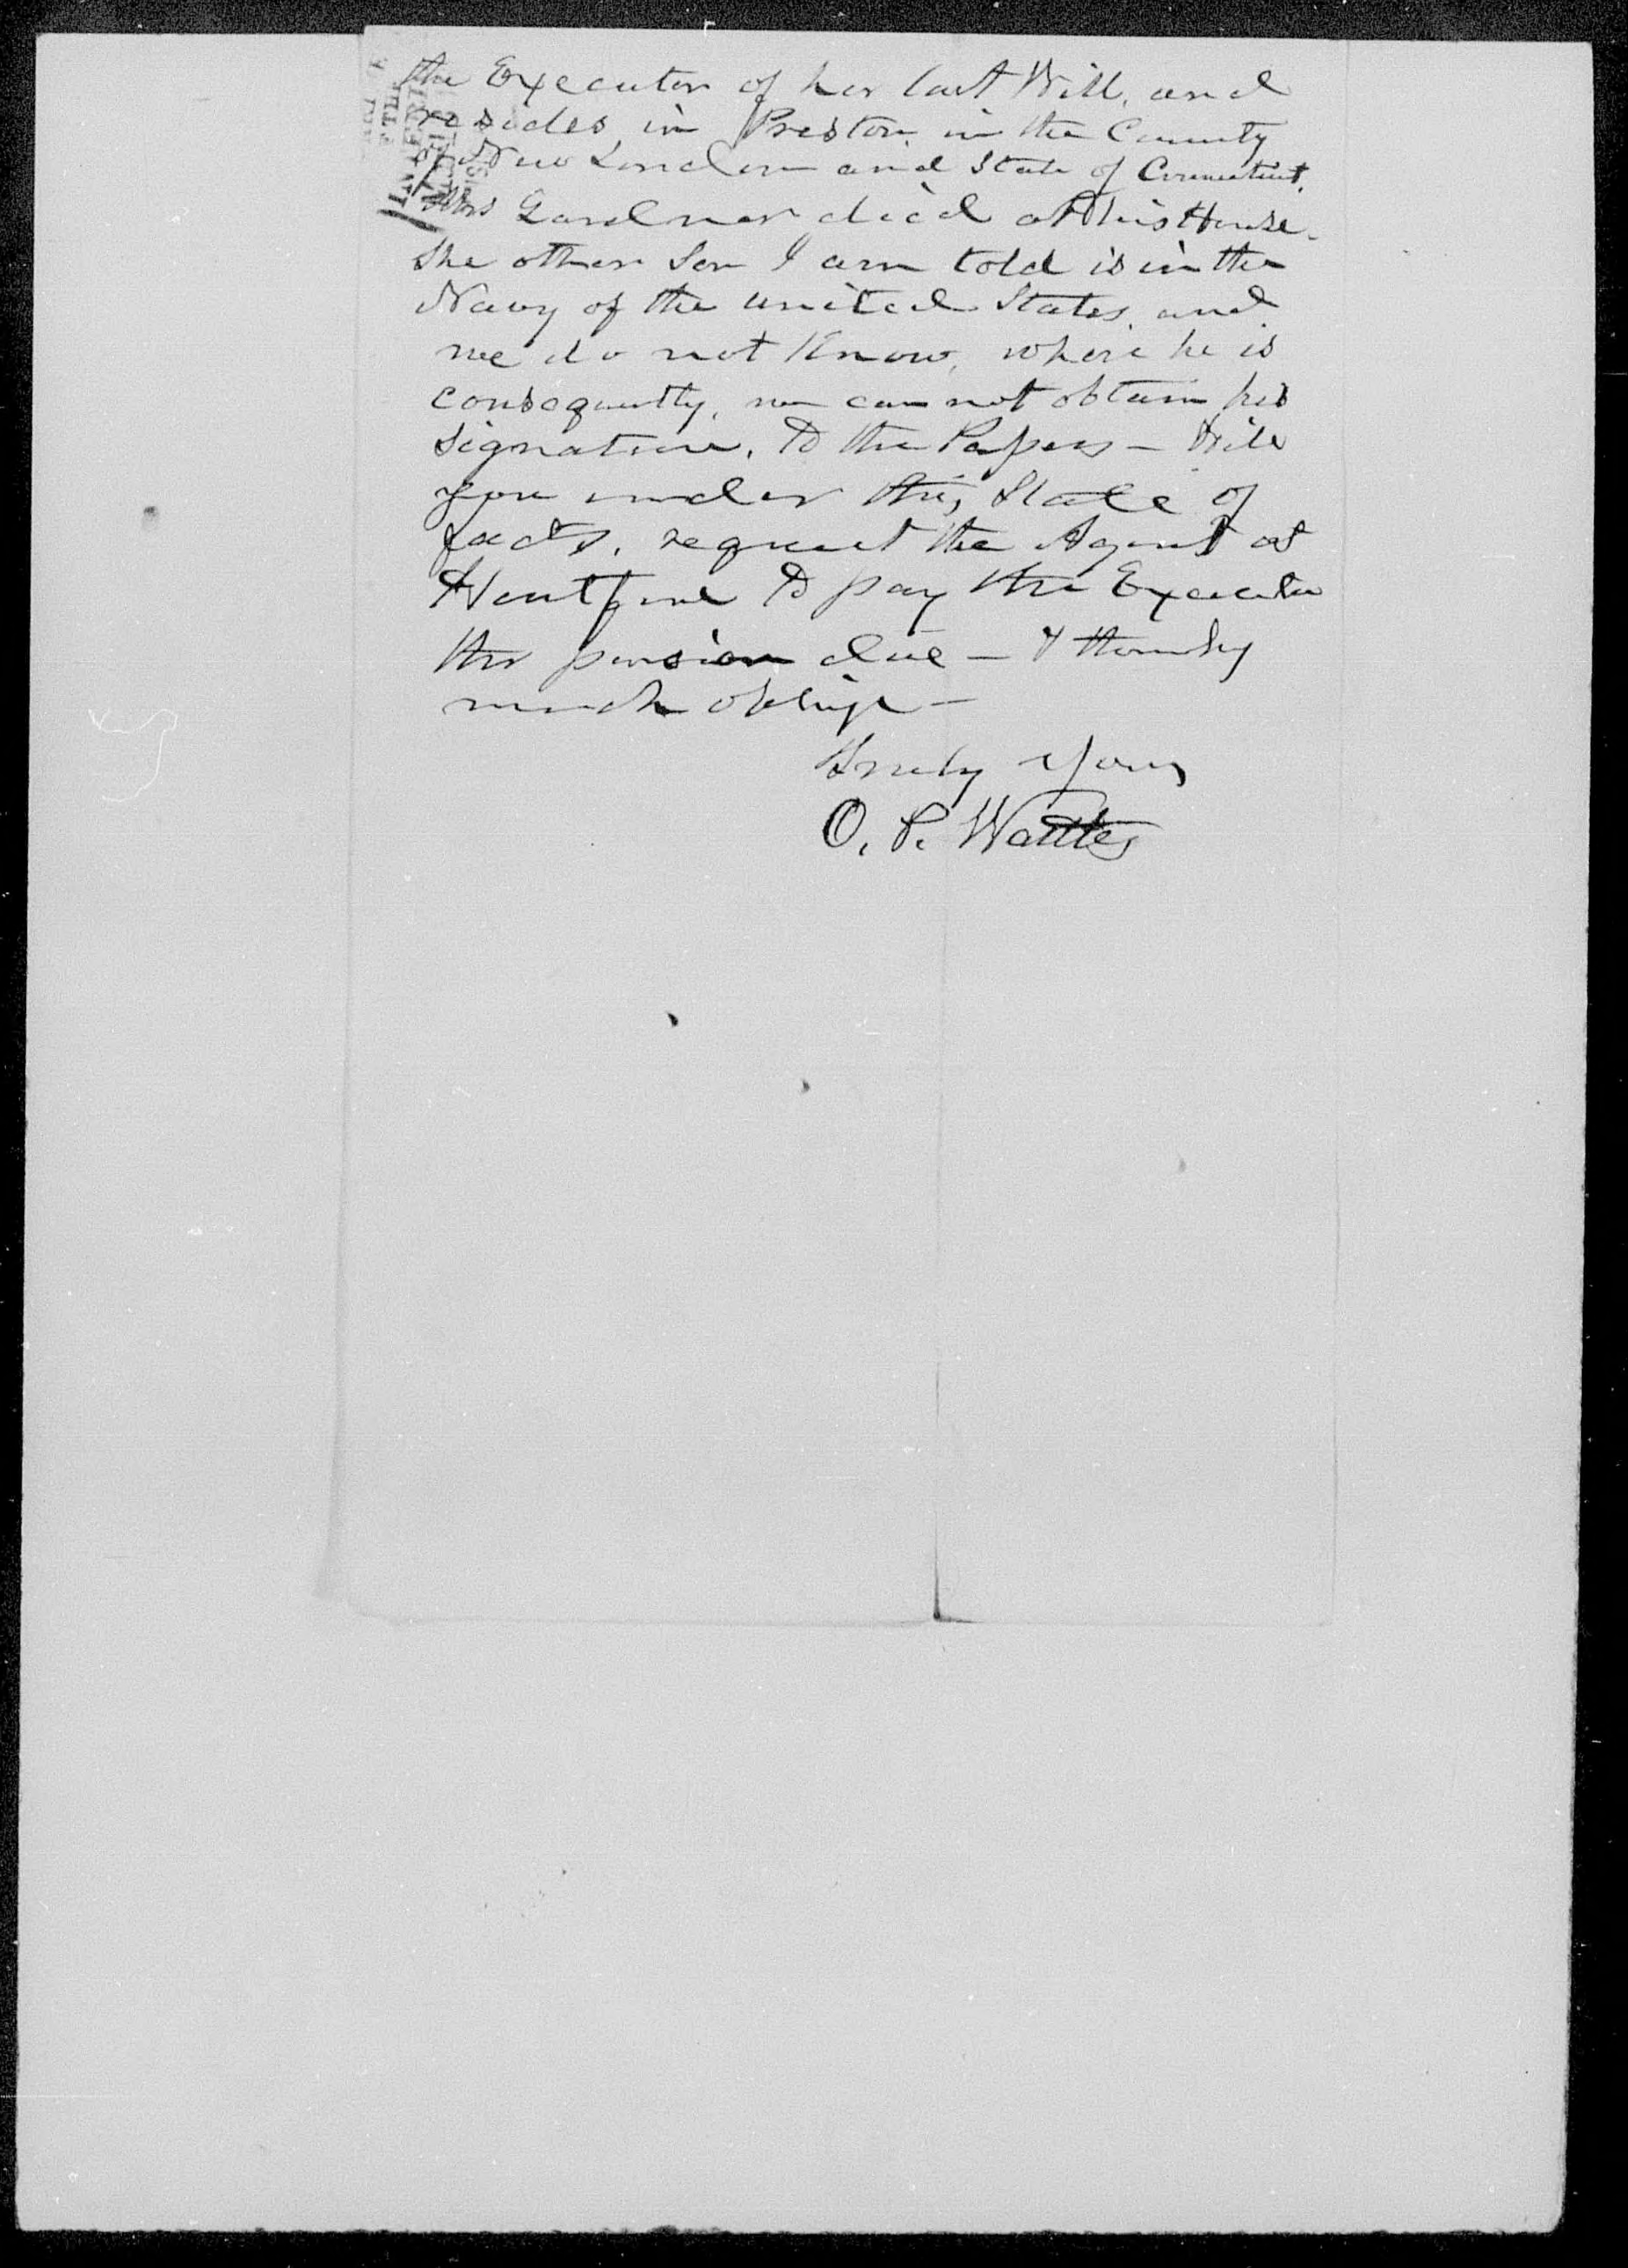the Executor of her last Will and resides in Preston in the County of New London and State of Connecticut. Mrs Gardner died at his house. The other son I am told is in the Navy of the United States, and we do not know where he is
consequently, we can not obtain his
signature. To the Papers  -- will you under the State of facts, request the Agent at Heartford to pay the Executor the pension due -- & thereby much oblige --
Truly Yours
O. P. Wattles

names: Gardner, O P Wattles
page: 24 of 66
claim: widow's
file: W 1850, David Gardner, Conn.